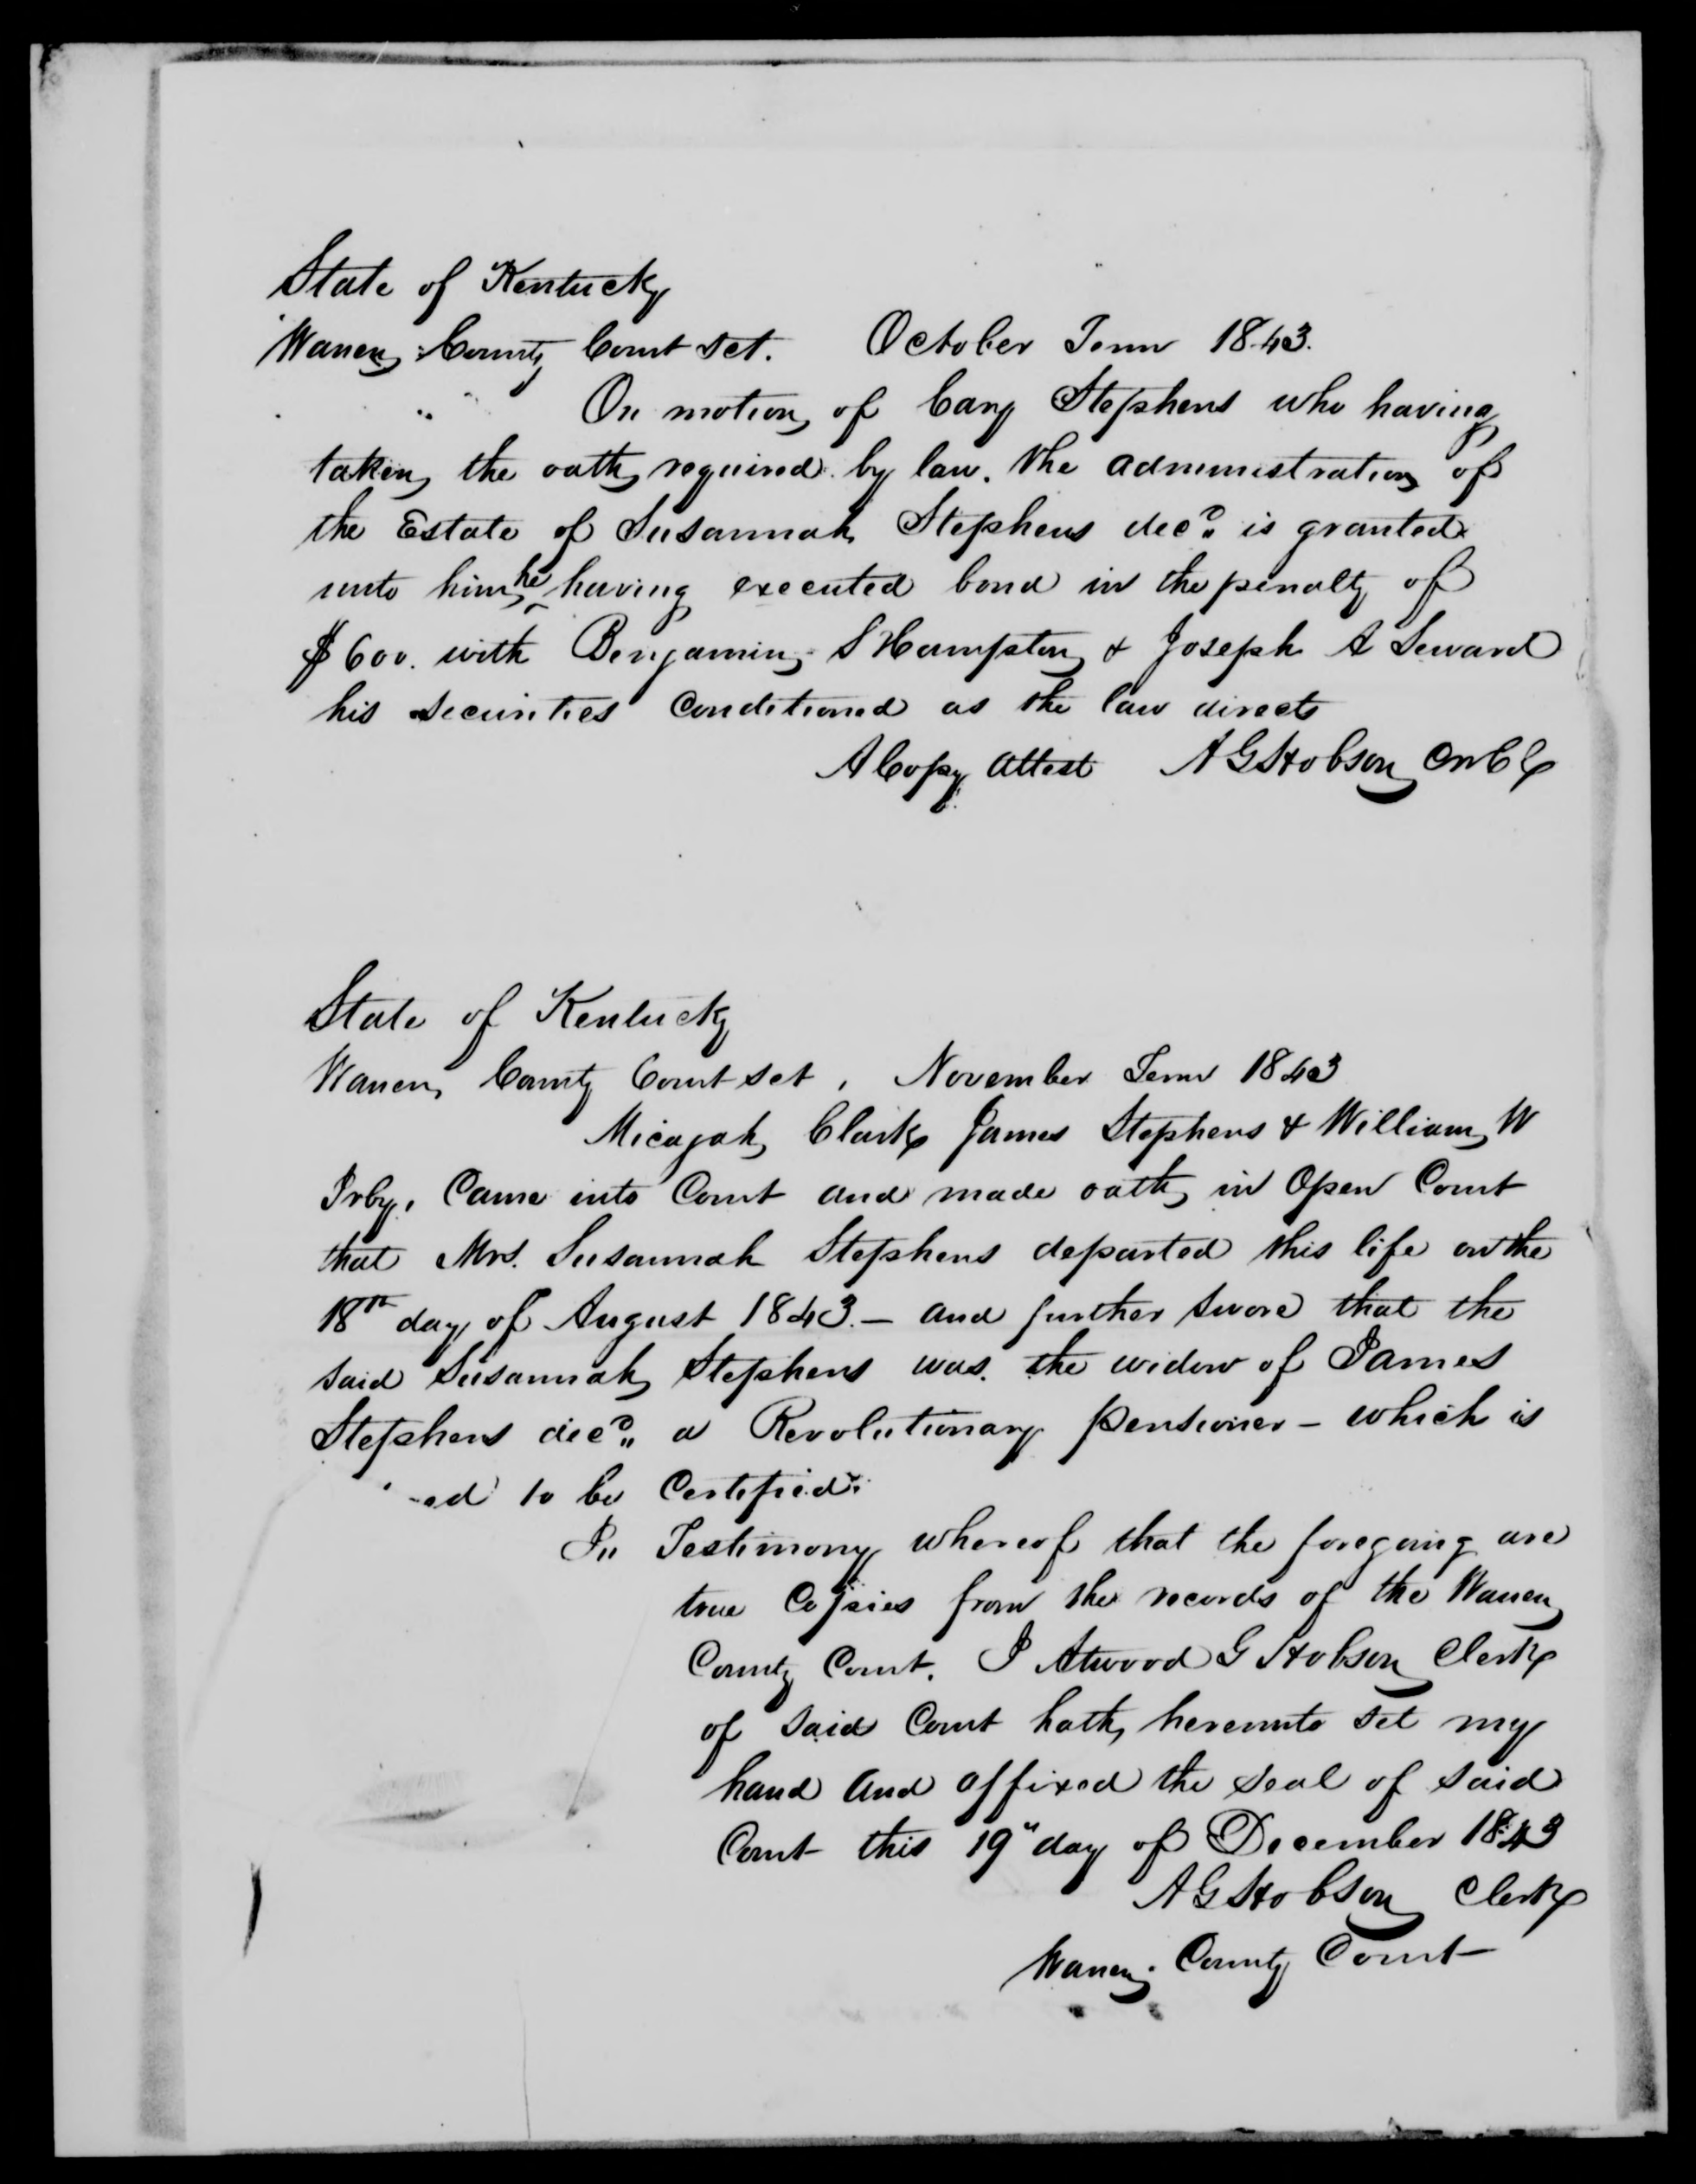State of Kentucky
Warren County Court Jct.  October Term 1843
On motion of Cany Stephens who having taken the oath required by law The administration of the Estate of Susannah Stephens decd is granted unto him he having executed bond in the penalty of $600 with Benjamin S Hampton & Joseph A Seward his securities conditioned as the law directs
A Copy attest A G Hobson on CC
State of Kentucky
Warren County Court Set, November Term 1843
Micajah Clark James Stephens & William W Irby,  Came into Court and made oath in Open Court that Mrs. Susannah Stephens departed this life on the 18th day of August 1843 - and further Swore that the said Susannah Stephens was the widow of James Stephens decd a Revolutionary pensioner - which is [word covered by paper] to be certified.
In Testimony whereof that the foregoing are true copies from the records of the Warren County Court. I Atwood G Hobson Clerk of Said Court hath hereunto set my hand and affixed the seal of said Court this 19th day of December 1843
A G Hosbon Clerk
Warren County Court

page: 90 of 99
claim: widow's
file: W 8766, for James Stevens, Virginia